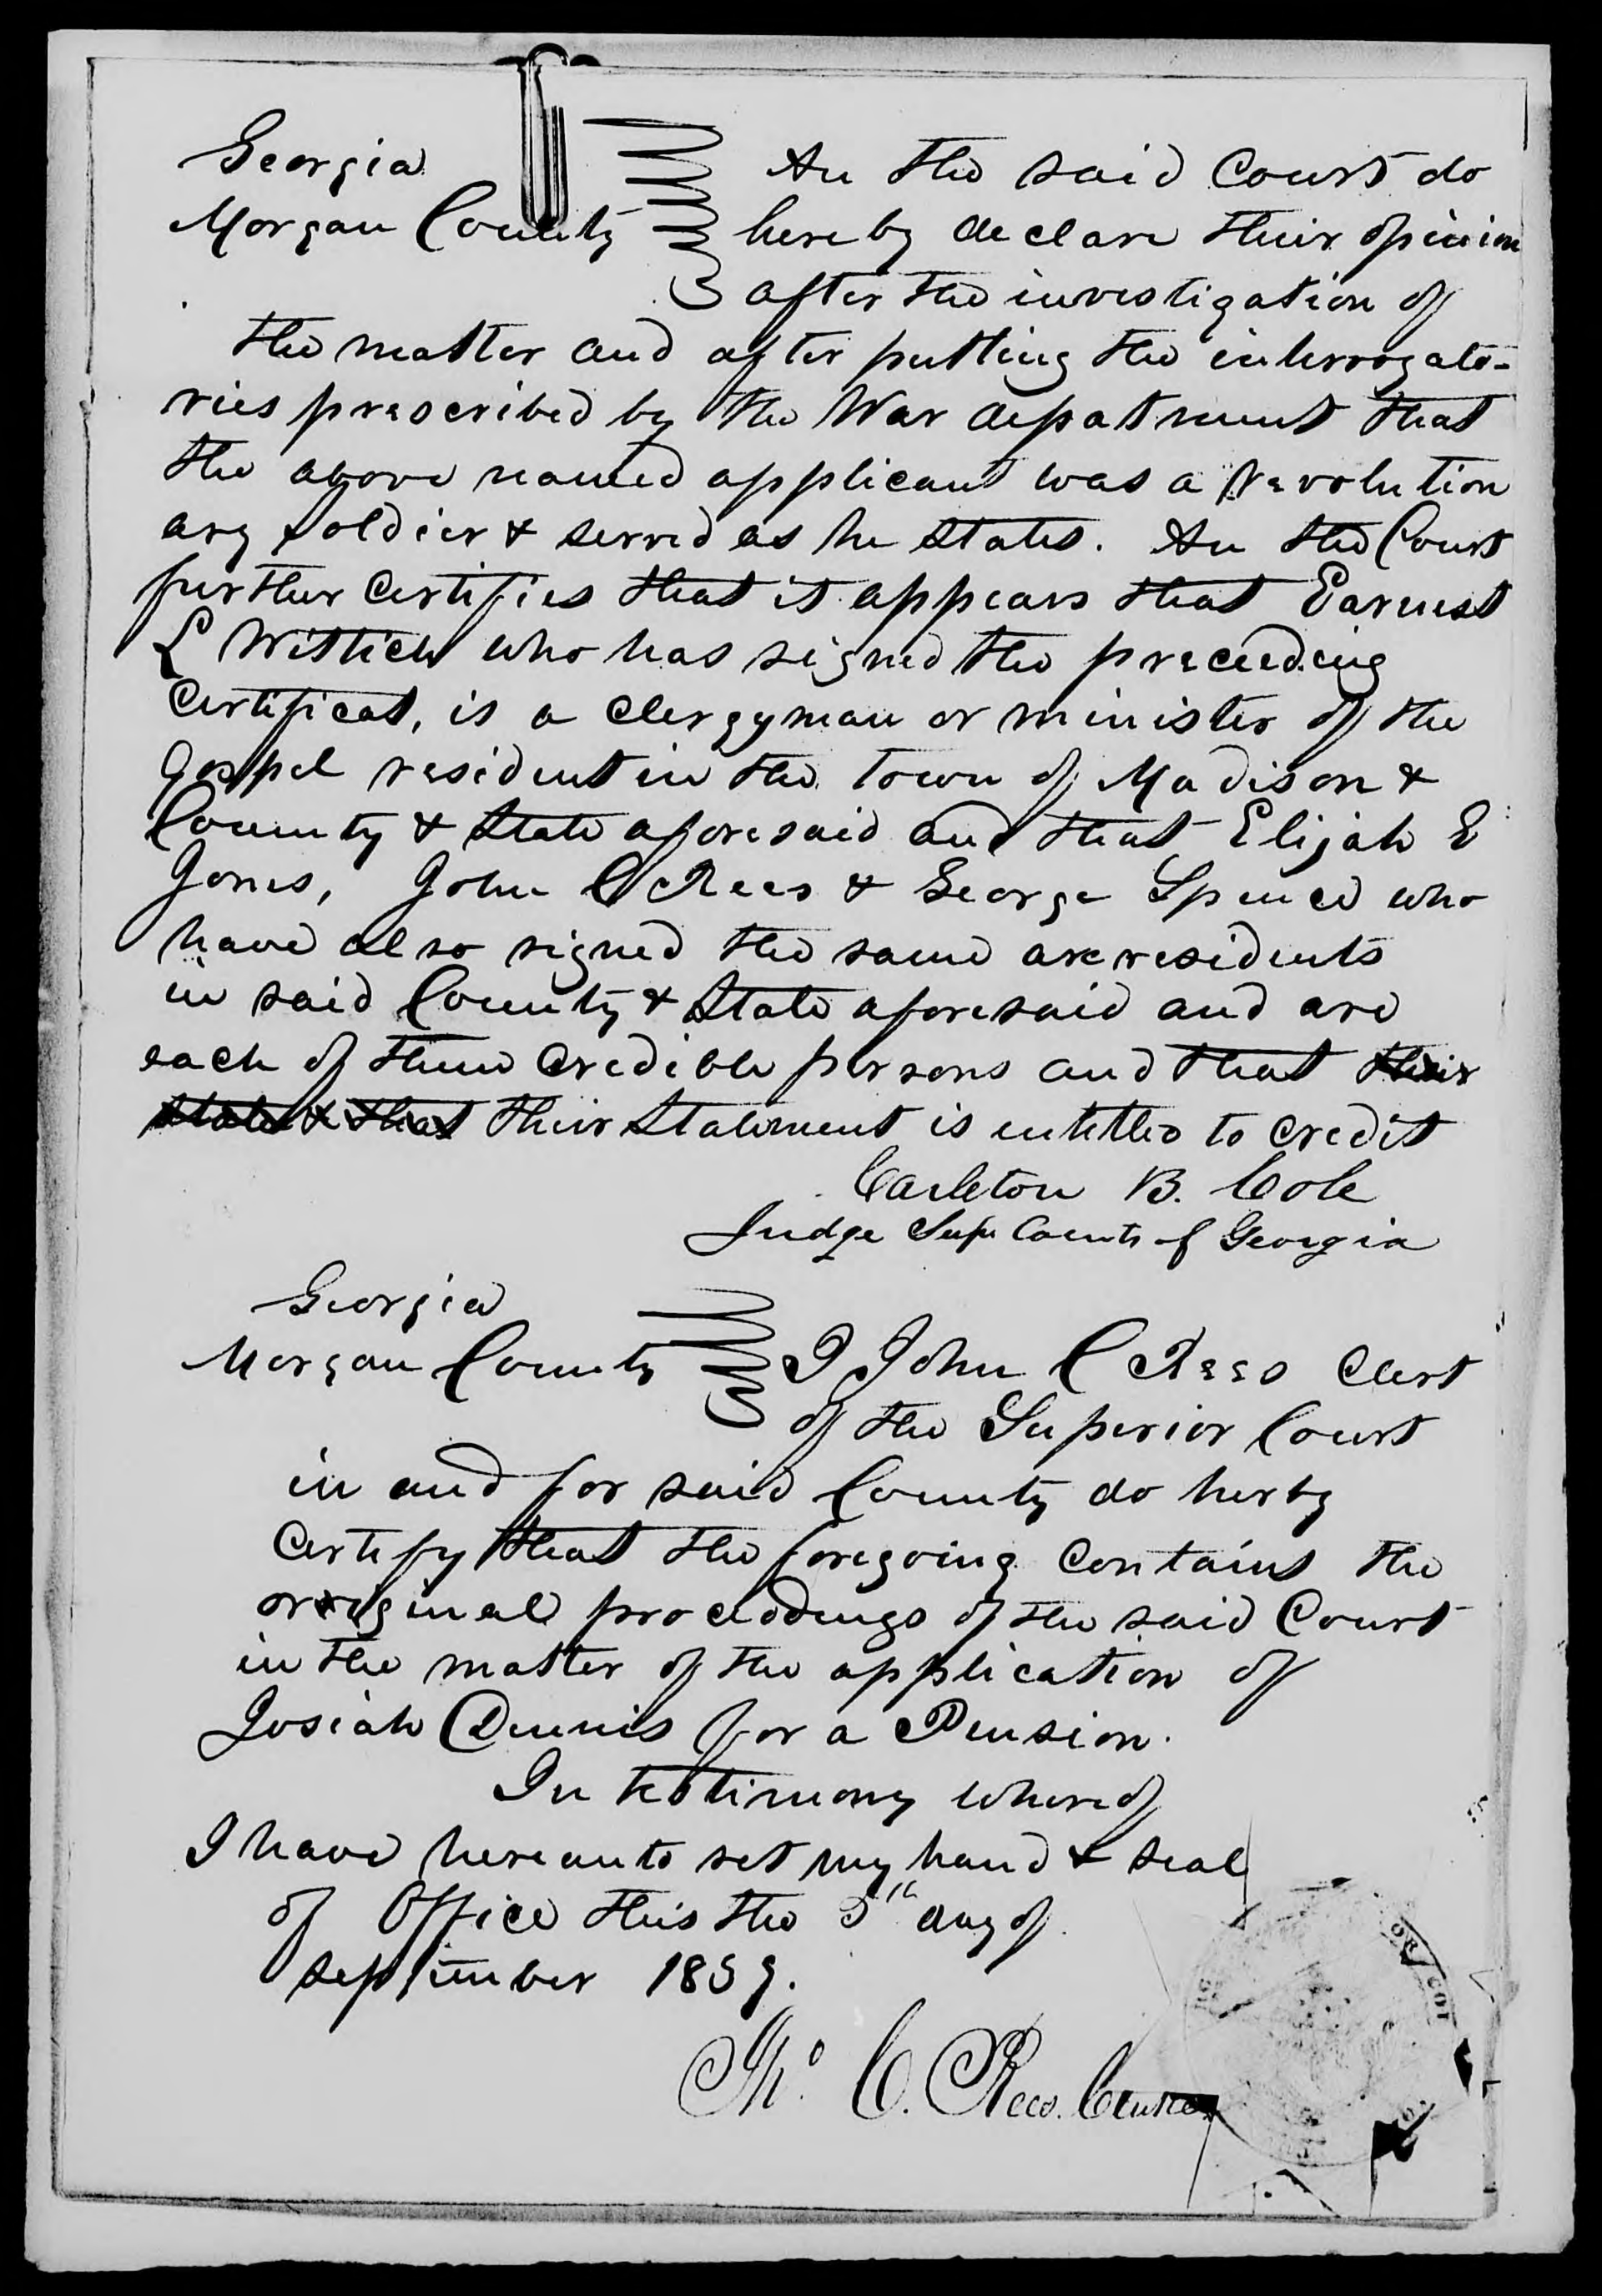[Page 9 is a duplicate of Page 8]

Georgia
Morgan County⎬

As the said Court do
hereby declare their opinion
after the investigation of
the matter and after putting the interrogate
is prescribed by the War department that the
above named applicant was a revolutionary
Soldier & served as he states. As the Court
other certifies that it appears that Earnest
Wittich who has signed the preceeding
certificate, is a Clergyman or minister of the Gospel resident in the town of Madison &
County & State aforesaid and that Elijah E
Jones, John C Rees & George Spence who
have also signed the same are residents
said County & State aforesaid and are
of the credible persons and that [crossed out this state and that] their statement is entitled to credit
Carleton B. Cole
Judge Sup Courts of Georgia

Georgia
Morgan County ⎬
I John C Rees
clerk of the Superior Court
in and for said County do herby
certify that the foregoing contains the
original proceedings of the said Court
in the matter of the application of
Josiah Dennis for a Pension
In testimony whereof
I have hereunto set my hand & seal
of Office this the 5th day of
September 1839
Jno C. Rec. Clerk [official seal]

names: Jno C Rees, Josiah Dennis, John C Rees, John C Rees, Elijah E Jones, Carleton B Cole, Earnest L Wittich, George Spence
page: 9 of 14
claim: rejected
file: R. 2,877, Josiah Dennis, Md.